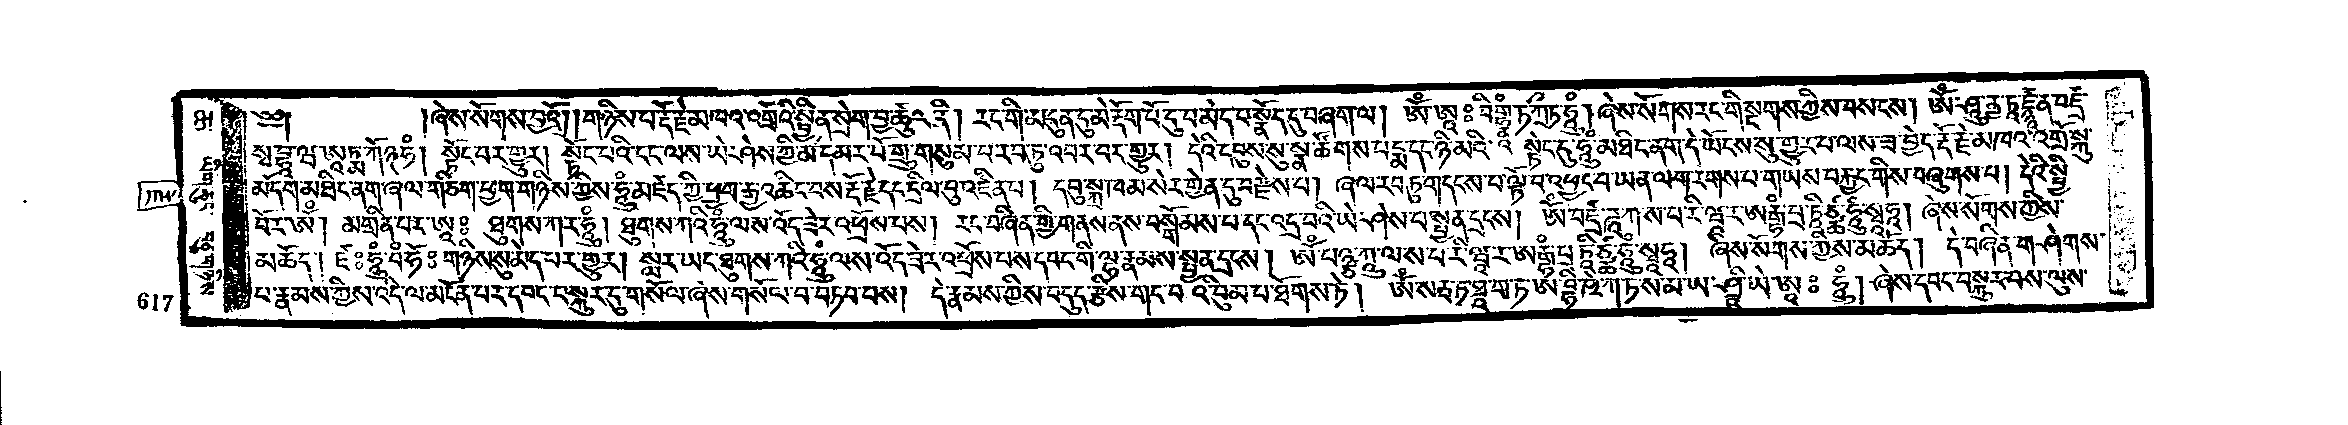༄༅། །ཞེས་སོགས་བྱའོ། །གཉིས་པ་རྡོ་རྗེ་མཁའ་འགྲོའི་སྦྱིན་སྲེག་བྱ་ཚུལ་ནི། རང་གི་མདུན་དུ་མེ་རྡོག་པོ་དུ་བ་མེད་པ་སྣོད་དུ་བཞག་ལ། ཨོཾ་ཨཱཿ བིགྷྣཾ་ཏ་ཀྲྀཏ་ཧཱུཾ། ཞེས་སོགས་རང་གི་སྔགས་ཀྱིས་བསངས། ཨོཾ་ཤཱུ་ནྱ་ཏཱ་ཛྙཱ་ན་བཛྲ་
སྭ་བྷཱ་ཝ་ཨཱཏྨ་ཀོ་ཉཧཾ། སྟོང་པར་གྱུར། སྟོང་པའི་ངང་ལས་ཡེ་ཤེས་ཀྱི་མེ་དམར་པོ་གྲུ་གསུམ་པ་རབ་ཏུ་འབར་བར་གྱུར། དེའི་དབུས་སུ་སྣ་ཚོགས་པདམ་དང་ཉི་མའི་སྟེང་དུ་ཧཱུཾ་མཐིང་ནག་དེ་ཡོངས་སུ་གྱུར་པ་ལས་ཟ་བྱེད་རྡོ་རྗེ་མཁའ་འགྲོ་སྐུ་
མདོག་མཐིང་ནག་ཞལ་གཅིག་ཕྱག་གཉིས་ཀྱིས་ཧཱུཾ་མཛོད་ཀྱི་ཕྱག་རྒྱ་འཆིང་བས་རྡོ་རྗེ་དང་དྲིལ་བུ་འཛིན་པ། དབུ་སྐྲ་ཁམ་སེར་གྱེན་དུ་བརྫེས་པ། ཞལ་རབ་ཏུ་གདངས་པ་ལྟོ་བ་འཕྱང་བ་ཡན་ལག་རགས་པ་གཡས་བརྐྱང་གིས་བཞུགས་པ། དེའི་སྤྱི་
བོར་ཨོཾ། མགྲིན་པར་ཨཱཿ ཐུགས་ཀར་ཧཱུཾ། ཐུགས་ཀའི་ཧཱུཾ་ལས་འོད་ཟེར་འཕྲོས་པས། རང་བཞིན་གྱི་གནས་ནས་བསྒོམས་པ་དང་འདྲ་བའི་ཡེ་ཤེས་པ་སྤྱན་དྲངས། ཨོཾ་བཛྲ་ཌཱ་ཀ་ས་པ་རི་ཝཱ་ར་ཨརྒྷཾ་པྲ་ཏཱི་ཙྪ་ཧཱུཾ་སྭཱ་ཧཱ། ཞེས་སོགས་ཀྱིས་
མཆོད། ཛཿ ཧཱུཾ་བཾ་ཧོཿ གཉིས་སུ་མེད་པར་གྱུར། སླར་ཡང་ཐུགས་ཀའི་ཧཱུཾ་ལས་འོད་ཟེར་འཕྲོས་པས་དབང་གི་ལྷ་རྣམས་སྤྱན་དྲངས། ཨོཾ་པཉྩ་ཀཱུ་ལ་ས་པ་རི་ཝཱ་ར་ཨརྒྷཾ་པྲ་ཏཱི་ཙྪ་ཧཱུཾ་སྭཱ་ཧཱ། ཞེས་སོགས་ཀྱིས་མཆོད། དེ་བཞིན་གཤེགས་
པ་རྣམས་ཀྱིས་འདི་ལ་མངོན་པར་དབང་བསྐུར་དུ་གསོལ་ཞེས་གསོལ་བ་བཏབ་པས། དེ་རྣམས་ཀྱིས་བདུད་རྩིས་གང་བའི་བུམ་པ་ཐོགས་ཏེ། ཨོཾ་སརྦ་ཏ་ཐཱ་ག་ཏ་ཨ་བྷི་ཥེ་ཀ་ཏ་ས་མ་ཡ་ཤྲཱི་ཡེ་ཨཱཿ ཧཱུཾ། ཞེས་དབང་བསྐུར་བས་ལུས་